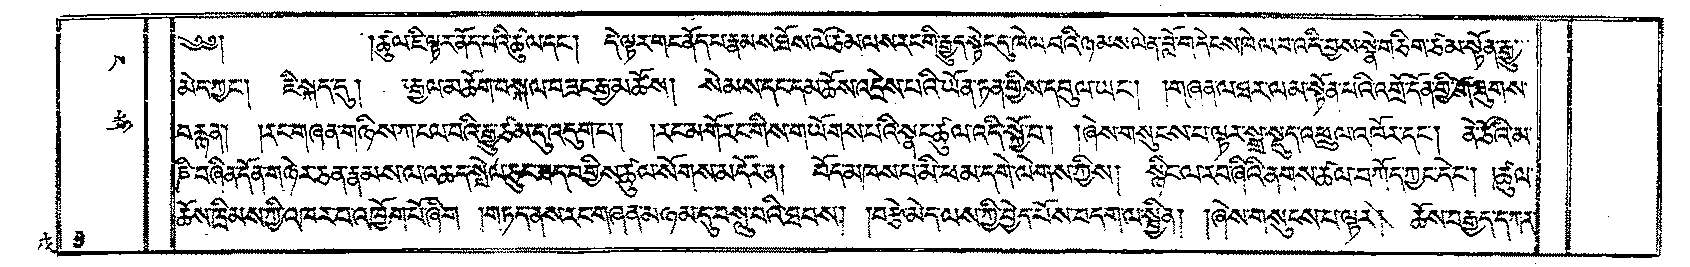༄༅། །ཚུལ་ཇི་ལྟར་ནོད་པའི་ཚུལ་དང་། དེ་ལྟར་གང་ནོད་པ་རྣམས་ཐོས་ལོ་ཙམ་ལས་རང་གི་རྒྱུད་སྟེང་དུ་ཁེལ་བའི་ཉམས་ལེན་བློ་གདེངས་ཁེལ་བ་འདི་བྱས་སྣེ་གཅིག་ཙམ་སྟོན་རྒྱུ་
མེད་ཀྱང་། ཇི་སྐད་དུ། ༧རྒྱལ་མཆོག་བསྐལ་བཟང་རྒྱ་མཚོས། སེམས་དང་དམ་ཆོས་འདྲེས་པའི་ཡོན་ཏན་གྱིས་དབུལ་ཡང་། །གཞན་ལ་ཐར་ལམ་སྟོན་པའི་འགྲོ་དོན་གྱི་གོ་ཐུགས་
བརྙན། །རང་གཞན་གཉིས་ཀ་ངལ་བའི་རྒྱུ་ཙམ་དུ་འདུག་པ། །རང་མགོ་རང་གིས་གཡོགས་པའི་སྣང་ཚུལ་འདི་སྐྱོ་བ། །ཞེས་གསུངས་པ་ལྟར་སྒྲ་སྡུད་འཕྲུལ་འཁོར་དང་། ནེ་ཙོའི་མ་
ཎི་བཞིན་དོན་གཉེར་ཅན་རྣམས་ལ་འཆད་སྤེལ་ཅུང་ཟད་བགྱིས་ཚུལ་སོགས་མདོར་ན། བོད་མཁས་པ་མི་ཕམ་དགེ་ལེགས་ཀྱིས། སྙིང་ལ་རབ་ཞིའི་ནགས་ཚལ་བཀོད་ཀྱང་དེང་། །ཚུལ་
ཆོས་ཁྲིམས་ཀྱི་འཁར་བ་འཁྱོག་པོ་ཞིག །གཏད་ནས་རང་གཞན་མཉམ་དུ་བསླུ་བའི་ཐབས། །བརྩེ་མེད་ལས་ཀྱི་བྱེད་པོས་བདག་ལ་སྦྱིན། །ཞེས་གསུངས་པ་ལྟར། ཆོས་བརྒྱད་དཀར་